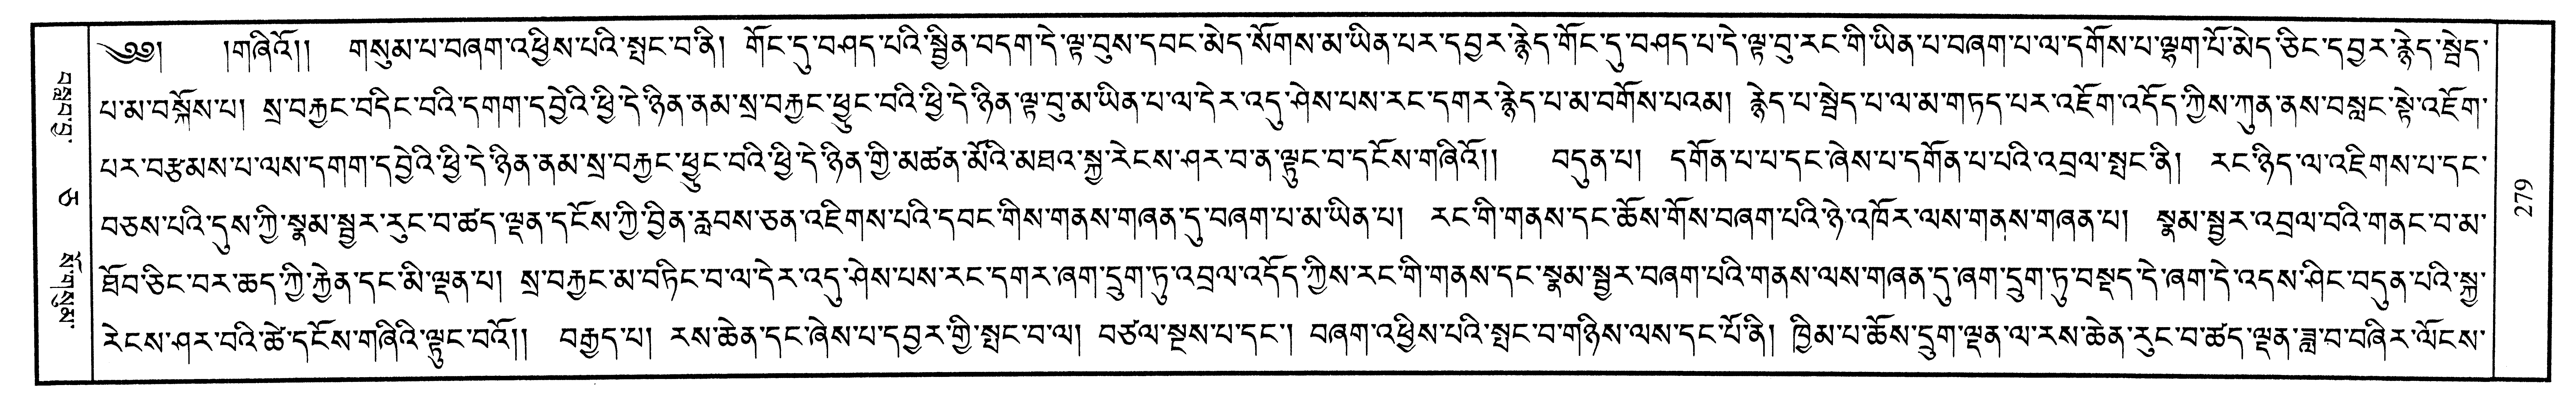༄༅། །གཞིའོ།། གསུམ་པ་བཞག་འཕྱིས་པའི་སྤང་བ་ནི། གོང་དུ་བཤད་པའི་སྦྱིན་བདག་དེ་ལྟ་བུས་དབང་མེད་སོགས་མ་ཡིན་པར་དབྱར་རྙེད་གོང་དུ་བཤད་པ་དེ་ལྟ་བུ་རང་གི་ཡིན་པ་བཞག་པ་ལ་དགོས་པ་ལྷག་པོ་མེད་ཅིང་དབྱར་རྙེད་སྦེད་
པ་མ་བསྐོས་པ། སྲ་བརྐྱང་བདིང་བའི་དགག་དབྱེའི་ཕྱི་དེ་ཉིན་ནམ་སྲ་བརྐྱང་ཕྱུང་བའི་ཕྱི་དེ་ཉིན་ལྟ་བུ་མ་ཡིན་པ་ལ་དེར་འདུ་ཤེས་པས་རང་དགར་རྙེད་པ་མ་བགོས་པའམ། རྙེད་པ་སྦེད་པ་ལ་མ་གཏད་པར་འཇོག་འདོད་ཀྱིས་ཀུན་ནས་བསླང་སྟེ་འཇོག་
པར་བརྩམས་པ་ལས་དགག་དབྱེའི་ཕྱི་དེ་ཉིན་ནམ་སྲ་བརྐྱང་ཕྱུང་བའི་ཕྱི་དེ་ཉིན་གྱི་མཚན་མོའི་མཐའ་སྐྱ་རེངས་ཤར་བ་ན་ལྟུང་བ་དངོས་གཞིའོ། བདུན་པ། དགོན་པ་པ་དང་ཞེས་པ་དགོན་པ་པའི་འབྲལ་སྤང་ནི། རང་ཉིད་ལ་འཇིགས་པ་དང་
བཅས་པའི་དུས་ཀྱི་སྣམ་སྦྱར་རུང་བ་ཚད་ལྡན་དངོས་ཀྱི་བྱིན་རླབས་ཅན་འཇིགས་པའི་དབང་གིས་གནས་གཞན་དུ་བཞག་པ་མ་ཡིན་པ། རང་གི་གནས་དང་ཆོས་གོས་བཞག་པའི་ཉེ་འཁོར་ལས་གནས་གཞན་པ། སྣམ་སྦྱར་འབྲེལ་བའི་གནང་བ་མ་
ཐོབ་ཅིང་བར་ཆད་ཀྱི་རྐྱེན་དང་མི་ལྡན་པ། སྲ་བརྐྱང་མ་བཏིང་བ་ལ་དེར་འདུ་ཤེས་པས་རང་དགར་ཞག་དྲུག་ཏུ་འབྲལ་འདོད་ཀྱིས་རང་གི་གནས་དང་སྣམ་སྦྱར་བཞག་པའི་གནས་ལས་གཞན་དུ་ཞག་དྲུག་ཏུ་བསྡད་དེ་ཞག་དེ་འདས་ཤིང་བདུན་པའི་སྐྱ་
རེངས་ཤར་བའི་ཚེ་དངོས་གཞིའི་ལྟུང་བའོ།། བརྒྱད་པ། རས་ཆེན་དང་ཞེས་པ་དབྱར་གྱི་སྤང་བ་ལ། བཙལ་སྔས་པ་དང་། བཞག་འཕྱིས་པའི་སྤང་བ་གཉིས་ལས་དང་པོ་ནི། ཁྱིམ་པ་ཆོས་དྲུག་ལྡན་ལ་རས་ཆེན་རུང་བ་ཚད་ལྡན་ཟླ་བ་བཞིར་ལོངས་